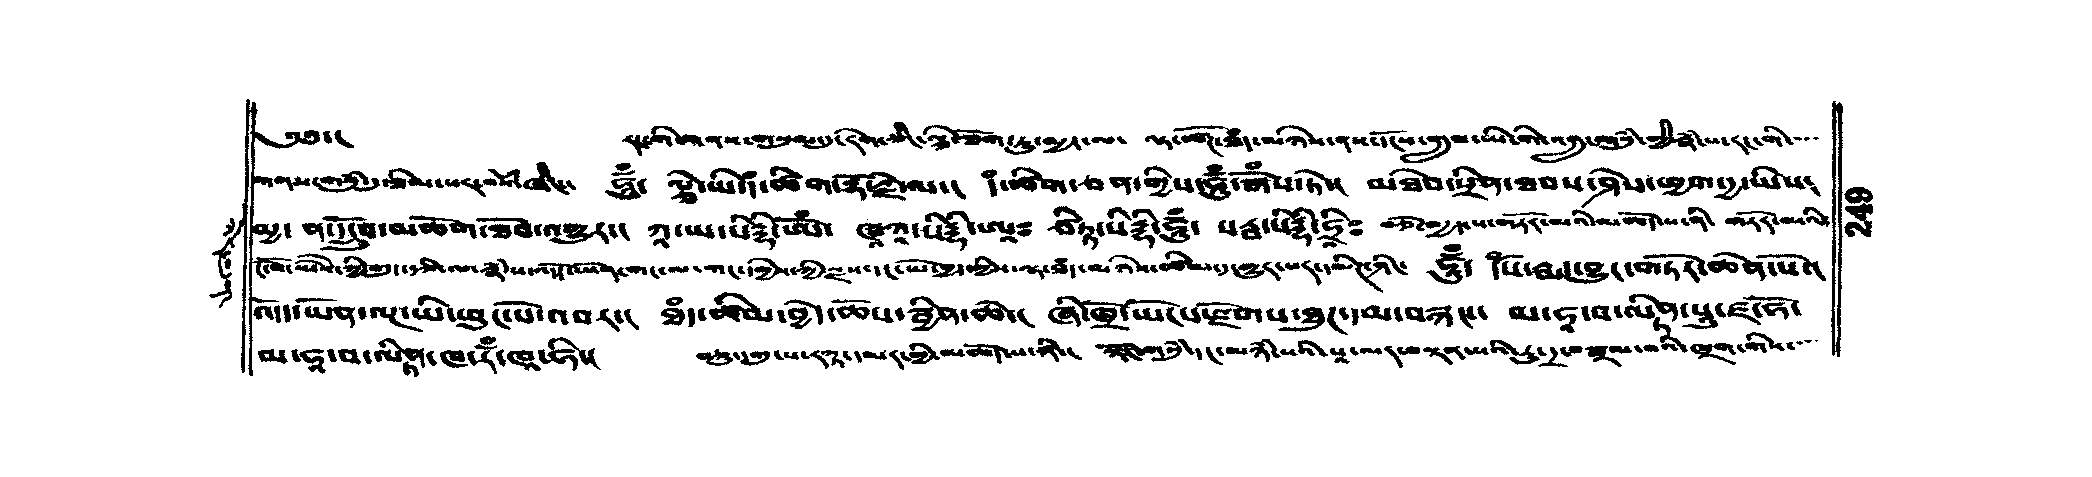རང་གི་གནས་གསུམ་དུ་རེག་ཅིང་ལྕེ་ཐོག་ཏུ་མྱང་ལ། ལྷ་ཚོགས་ཐམས་ཅད་མཉེས་ནས་དངོས་གྲུབ་ཡི་གེ་འབྲུ་གསུམ་གྱི་རྣམ་པ་རང་གི་
གནས་གསུམ་དུ་ཐིམ་པར་བསམ་ཞིང་། ཧཱུྃ། ལྕེ་ཡི་དམ་ཚིག་རྡོ་རྗེ་ལ། །དམ་ཚིག་ཅན་གྱིས་ཧཱུྃ་བསྒོམ་སྟེ། །མཐེབ་སྲིན་ཐབས་ཤེས་ཕྱག་རྒྱ་ཡིས། །
མྱང་ན་དངོས་གྲུབ་མཆོག་ཐོབ་་གྱུར། །ཀཱ་ཡ་སིདྡྷི་ཨོཾ། ཝཱཀྐ་སིདྡྷི་ཨཱ། ཙིཏྟ་སིདྡྷི་ཧཱུྃ། སརྦ་སིདྡྷི་ཧྲཱིཿ བཅོ་བརྒྱད་པ་གཏོར་མའི་མཆོད་པ་ནི། གཏོར་མའི་
ངོ་བོ་ཡེ་ཤེས་ཀྱི་བདུད་རྩི་ལ་རྣམ་པ་འདོད་ཡོན་གང་ལ་གང་དགྱེས་ཀྱི་རྫས་དང་ཡོ་བྱད་གྱིས་ལྷ་ཐམས་ཅད་མཉེས་ཚིམས་དུ་གྱུར་བར་དམིགས་ཤིང་། ཧཱུྃ། དམ་རྫས་རྨད་བྱུང་གཏོར་ཆེན་པོ། །
འདོད་ཡོན་ལྔ་ཡི་ཕུང་པོ་འབར། །ཐམས་ཅད་ཚིམ་བྱེད་ཆོས་སྦྱིན་ཆེ། །ཞི་ཁྲོ་ཡོངས་རྫོགས་ཐུགས་དམ་བསྐང་། །མ་ཧཱ་བ་ལིནྟ་པཱུ་ཛ་ཧོ། 
མ་ཧཱ་བ་ལིནྟ་ཁ་རྃ་ཁཱ་ཧི། བཅུ་དགུ་པ་རཀྟ་དམར་གྱི་མཆོད་པ་ནི། སྟོང་གསུམ་དང་མཉམ་པའི་པཱ་ལར་བསྟན་པའི་རུ་དྲ་བསྒྲལ་བའི་ཁྲག་གིས་